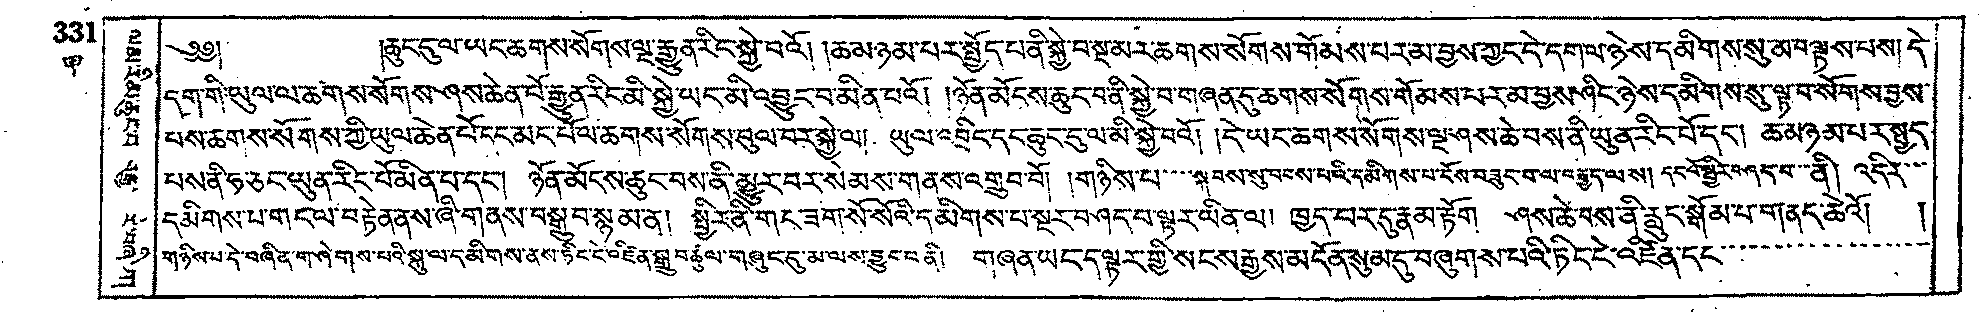༄༅། །ཆུང་དུ་ལ་ཡང་ཆགས་སོགས་ལྔ་རྒྱུན་རིང་སྐྱེ་བའོ། །ཆ་མཉམ་པར་སྤྱོད་པ་ནི་སྐྱེ་བ་སྔ་མར་ཆགས་སོགས་གོམས་པར་མ་བྱས་ཀྱང་དེ་དག་ལ་ཉེས་དམིགས་སུ་མ་བལྟས་པས། དེ་
དག་གི་ཡུལ་ལ་ཆགས་སོགས་ཤས་ཆེན་པོ་རྒྱུན་རིང་མི་སྐྱེ་ཡང་མི་འབྱུང་བ་མིན་པའོ། །ཉོན་མོངས་ཆུང་བ་ནི་སྐྱེ་བ་གཞན་དུ་ཆགས་སོགས་གོམས་པར་མ་བྱས་ཤིང་ཉེས་དམིགས་སུ་ལྟ་བ་སོགས་བྱས་
པས་ཆགས་སོགས་ཀྱི་ཡུལ་ཆེན་པོ་དང་མང་པོ་ལ་ཆགས་སོགས་བུལ་བར་སྐྱེ་ལ། ཡུལ་འབྲིང་དང་ཆུང་དུ་ལ་མི་སྐྱེ་བའོ། །དེ་ཡང་ཆགས་སོགས་ལྔ་ཤས་ཆེ་བས་ནི་ཡུན་རིང་པོ་དང་། ཆ་མཉམ་པར་སྤྱད་
པས་ནི་ཧ་ཅང་ཡུན་རིང་པོ་མིན་པ་དང་། ཉོན་མོངས་ཆུང་བས་ནི་མྱུར་བར་སེམས་གནས་འགྲུབ་པོ། །གཉིས་པ་སྐབས་སུ་བབས་པའི་དམིགས་ངོས་བཟུང་བ་ལ་བརྒྱད་ལས། དང་པོ་སྦྱིར་བཤད་པ་ནི། འདིར་
དམིགས་པ་གང་ལ་བརྟེན་ནས་ཞིག་གནས་བསྒྲུབ་སྙམ་ན། སྦྱིར་ནི་གང་ཟག་སོ་སོའི་དམིགས་པ་སྔར་བཤད་པ་ལྟར་ཡིན་ལ། ཁྱད་པར་དུ་རྣམ་རྟོག་ཤས་ཆེ་བས་ནི་རླུང་སྒོམ་པ་གནད་ཆེའོ། །
གཉིས་པ་དེ་བཞིན་གཤེགས་པའི་སྐུ་ལ་དམིགས་ནས་ཏིང་ངེ་འཛིན་སྒྲུབ་ཚུལ་གཞུང་དུ་མ་ལས་བྱུང་བ་ནི། གཞན་ཡང་ད་ལྟར་གྱི་སངས་རྒྱས་མངོན་སུམ་དུ་བཞུགས་པའི་ཏིང་ངེ་འཛིན་དང་